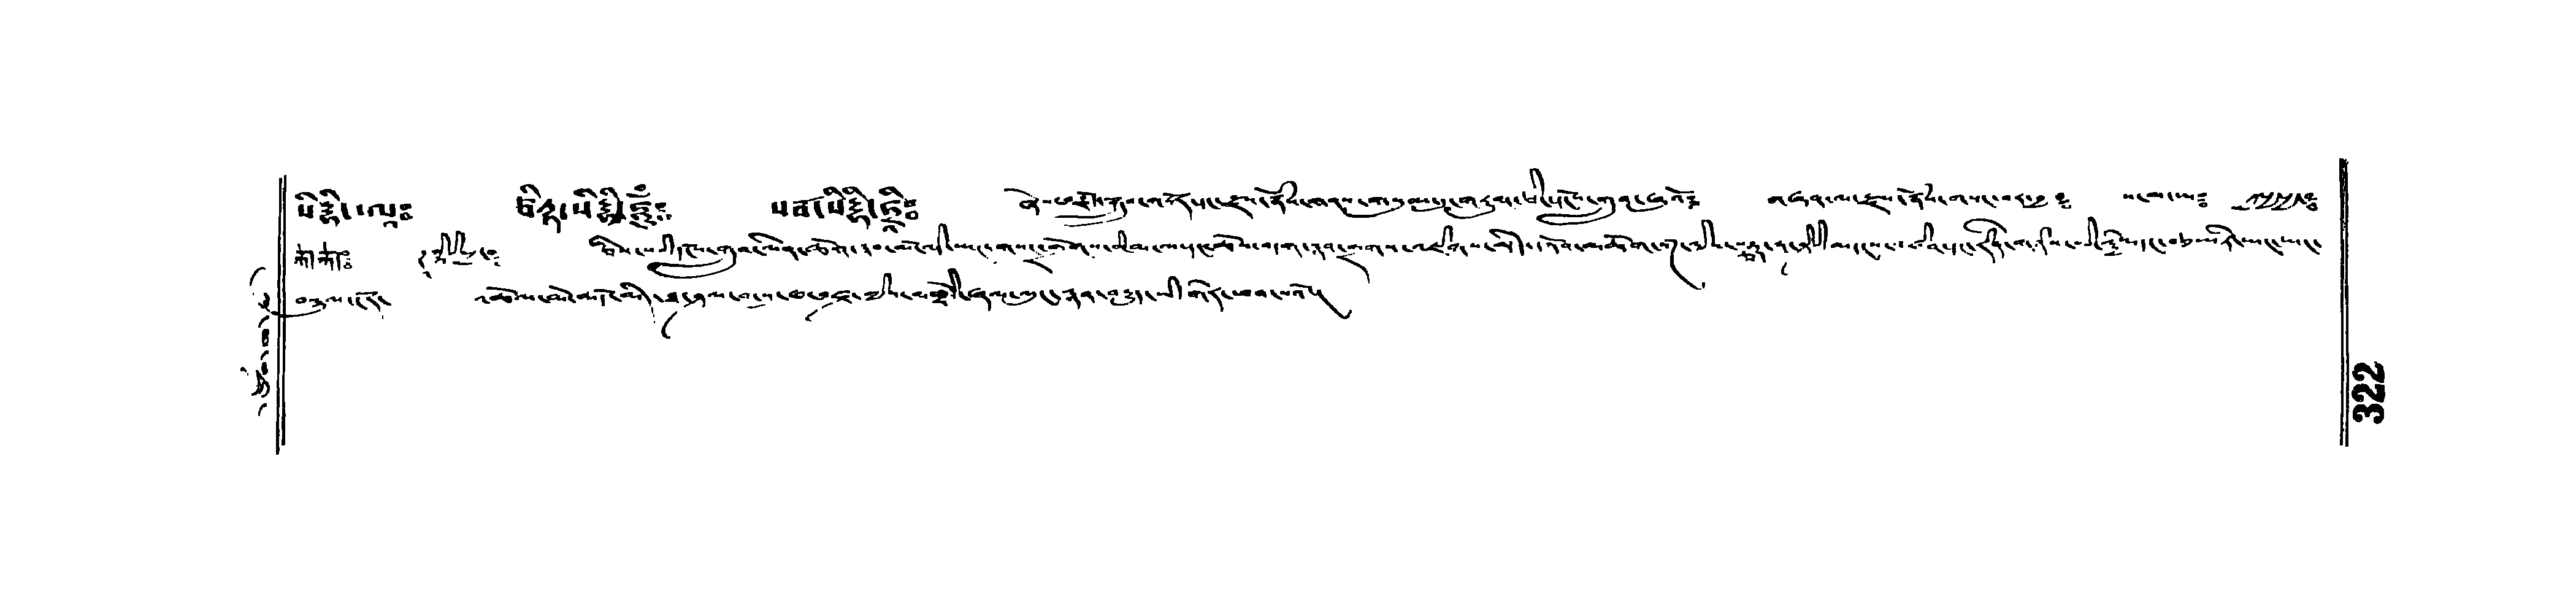སིདྡྷི་ཨཱཿ ཙིཏྟ་སིདྡྷི་ཧཱུྃ༔ སརྦ་སིདྡྷི་ཧྲཱིཿ ཞེས་བརྗོད་སྒྲུབ་གཏོར་དང་རྫས་རྣམས་གནས་གསུམ་དུ་གཏུག་ཅིང་དངོས་གྲུབ་ཞུའོ༔ གཞན་ལ་རྫས་རྣམས་གསང་བར་བྱ༔ ས་མ་ཡ༔ རྒྱ་རྒྱ་རྒྱ༔ 
ཌཱཀྐིའི་རྒྱ༔ ཅེས་པའི་དངོས་གྲུབ་ལེན་ཆོག་ཟབ་མོ་འདི་ཡང་གསང་གྲོགས་བིམ་ལ་དང་ཆོས་བདག་སྙན་གྲགས་འཇིགས་མེད་དཀོན་མཆོག་སོགས་ཀྱི་པཉྩ་ཀ་ཤིའི་མདངས་འཛིན་དང་རིན་ཆེན་གཉིས་པའི་སྐྱེས་དང་བཅས་ཏེ་ཡང་ཡང་
བསྐུལ་ངོར། འཆོལ་མོ་མདོ་མེད་ཐ་ཤལ་བ་སུ་ཁ་བཛྲ་གྱིས་མཁའ་འགྲོའི་ཞལ་ལུང་སྙན་བརྒྱུད་ཡི་གེར་ཕབ་པའོ།།